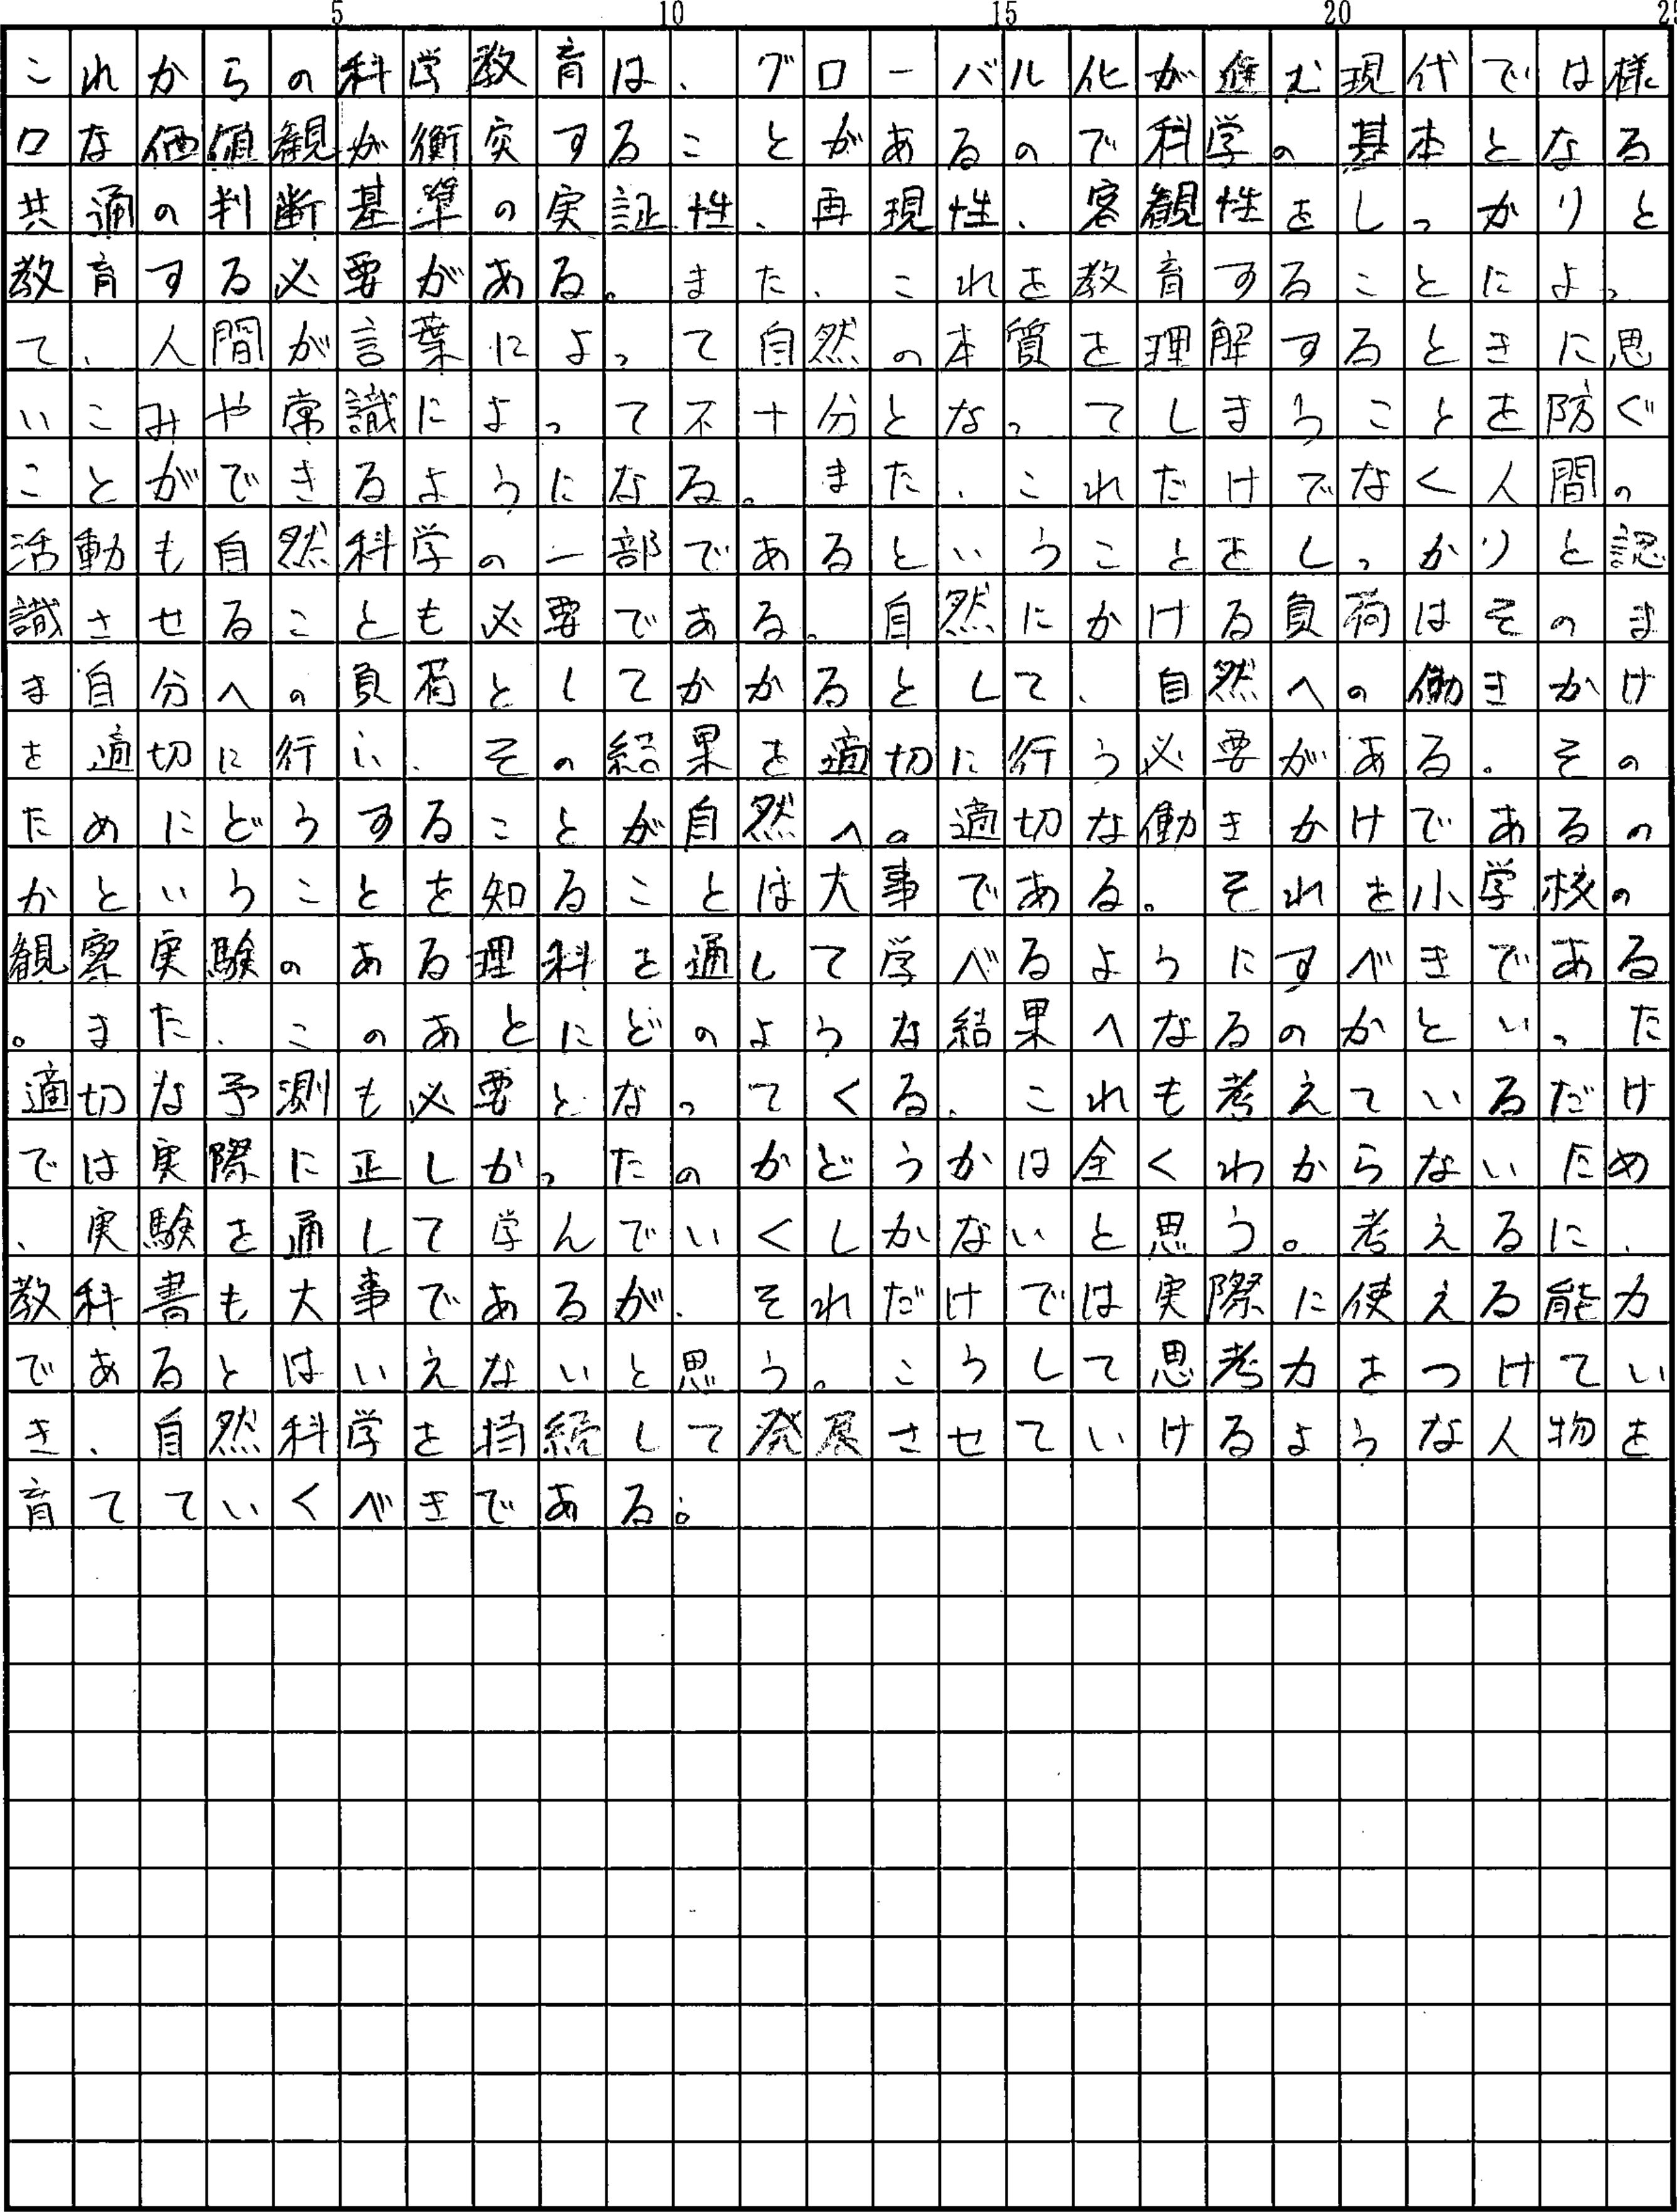これからの科学教育は、グローバル化が進む現代では様々な価値観が衡突することがあるので科学の基本となる共通の判断基準の実証性、再現性、客観性をしっかりと教育する必要がある。また、これを教育することによって、人間が言葉によって自然の本質を理解するときに思いこみや常識によって不十分となってしまうことを防ぐことができるようになる。また、これだけでなく人間の活動も自然科学の一部であるということをしっかりと認識させることも必要である。自然にかける負荷はそのまま自分への負荷としてかかるとして、自然への働きかけを適切に行い、その結果を適切に行う必要がある。そのためにどうすることが自然への適切な働きかけであるのかということを知ることは大事である。それを小学校の観察実験のある理科を通して学べるようにすべきである。また、このあとにどのような結果へなるのかといった適切な予測も必要となってくる。これも考えているだけでは実際に正しかったのかどうかは全くわからないため、実験を通して学んでいくしかないと思う。考えるに、教科書も大事であるが、それだけでは実際に使える能力であるとはいえないと思う。こうして思考力をつけていき、自然科学を持続して発展させていけるような人物を育てていくべきである。
